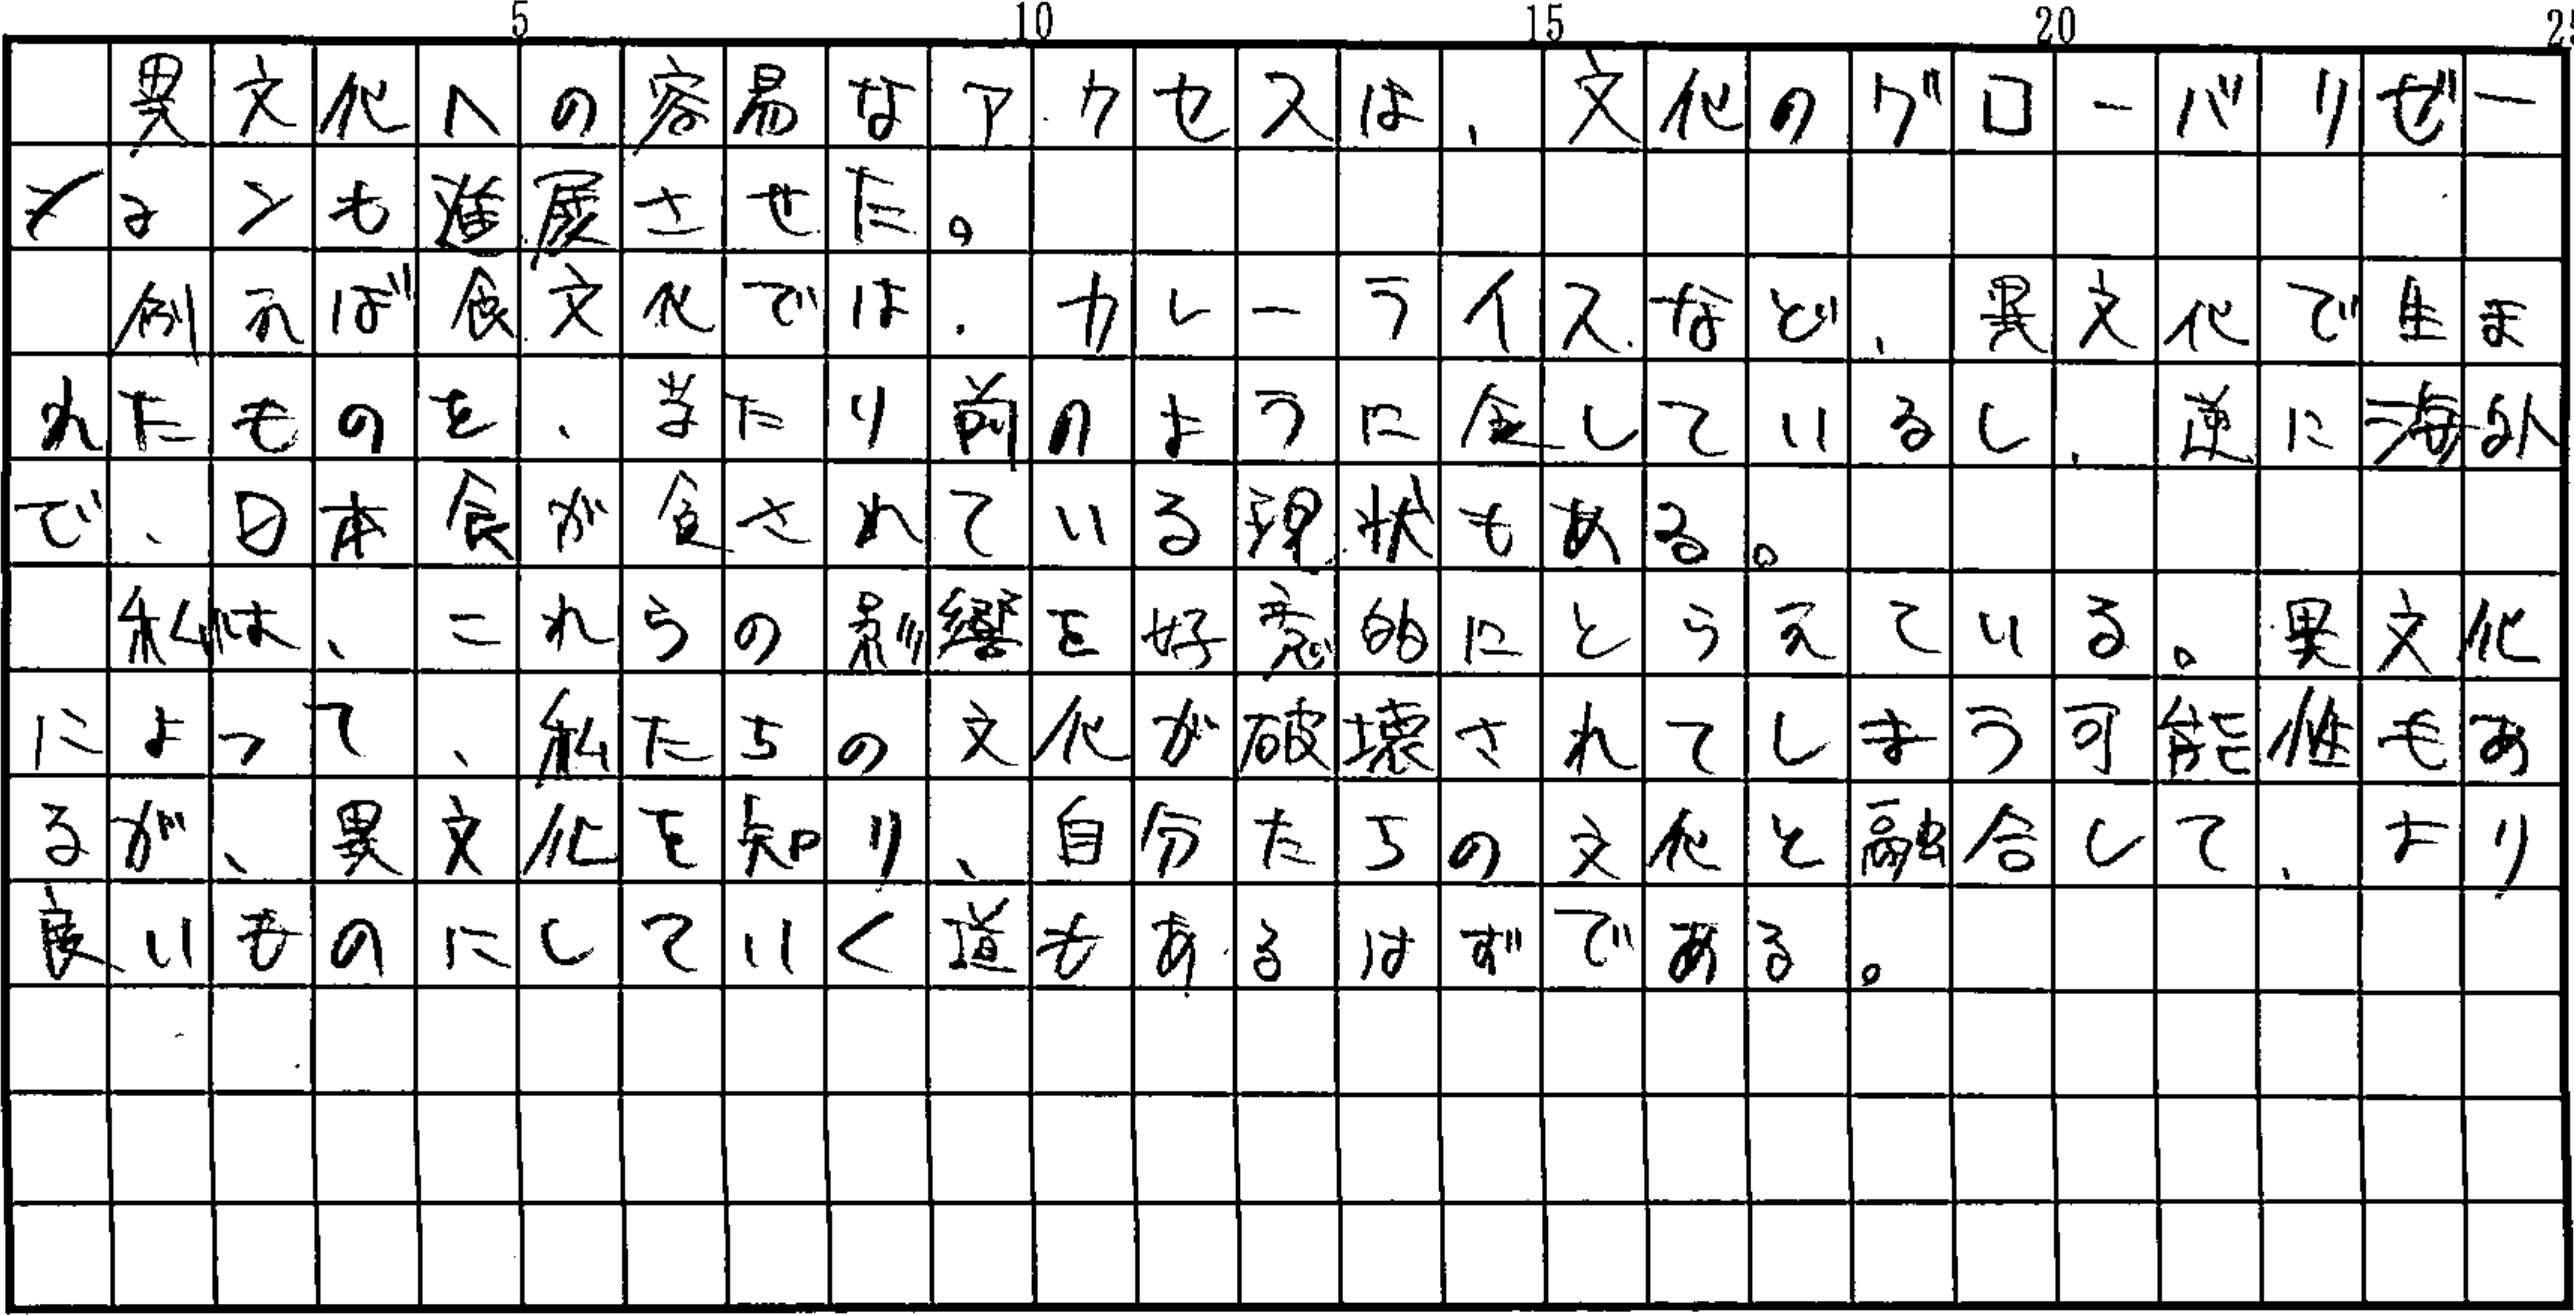　異文化への容易なアクセスは、文化のグローバリゼーションも進展させた。
　例えば食文化では、カレーライスなど、異文化で生まれたものを、当たり前のように食しているし、逆に海外で、日本食が食されている現状もある。
　私は、これらの影響を好意的にとらえている。異文化によって、私たちの文化が破壊されてしまう可能性もあるが、異文化を知り、自分たちの文化と融合して、より良いものにしていく道もあるはずである。
